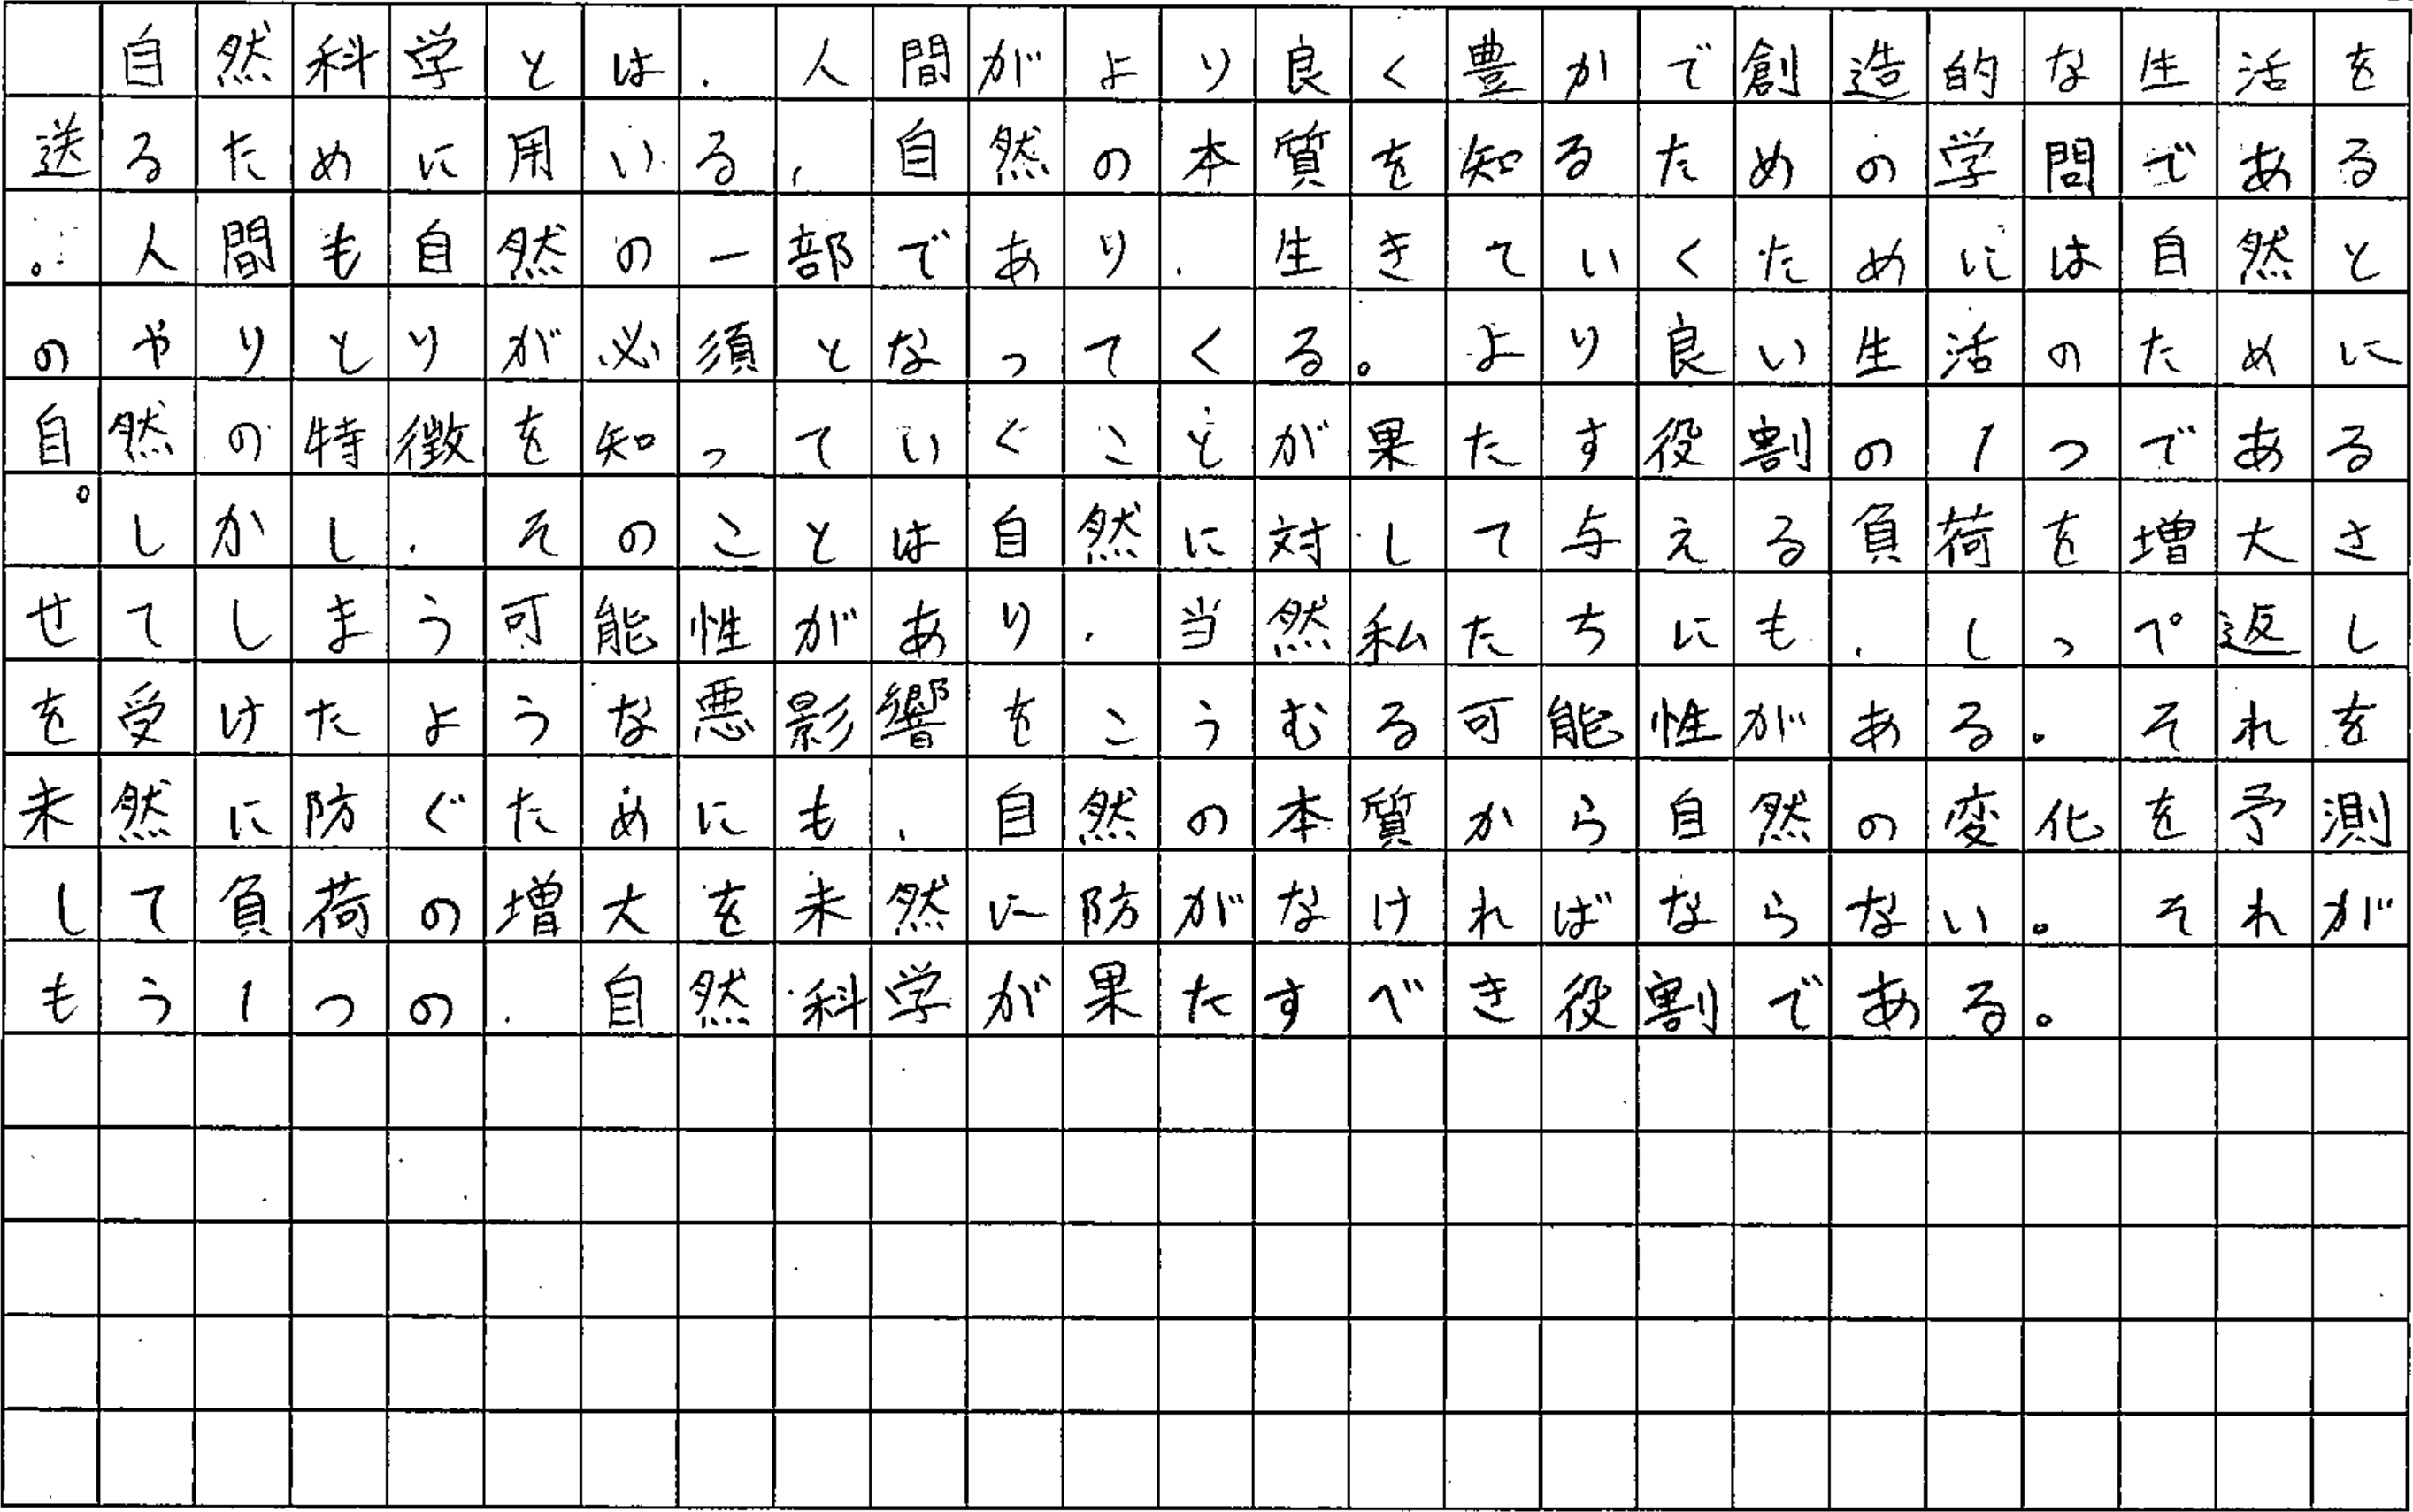　自然科学とは、人間がより良く豊かで創造的な生活を送るために用いる、自然の本質を知るための学問である。人間も自然の一部であり、生きていくためには自然とのやりとりが必須となってくる。より良い生活のために自然の特徴を知っていくことが果たす役割の１つである。しかし、そのことは自然に対して与える負荷を増大させてしまう可能性があり、当然私たちにも、しっぺ返しを受けたような悪影響をこうむる可能性がある。それを未然に防ぐためにも、自然の本質から自然の変化を予測して負荷の増大を未然に防がなければならない。それがもう１つの、自然科学が果たすべき役割である。
